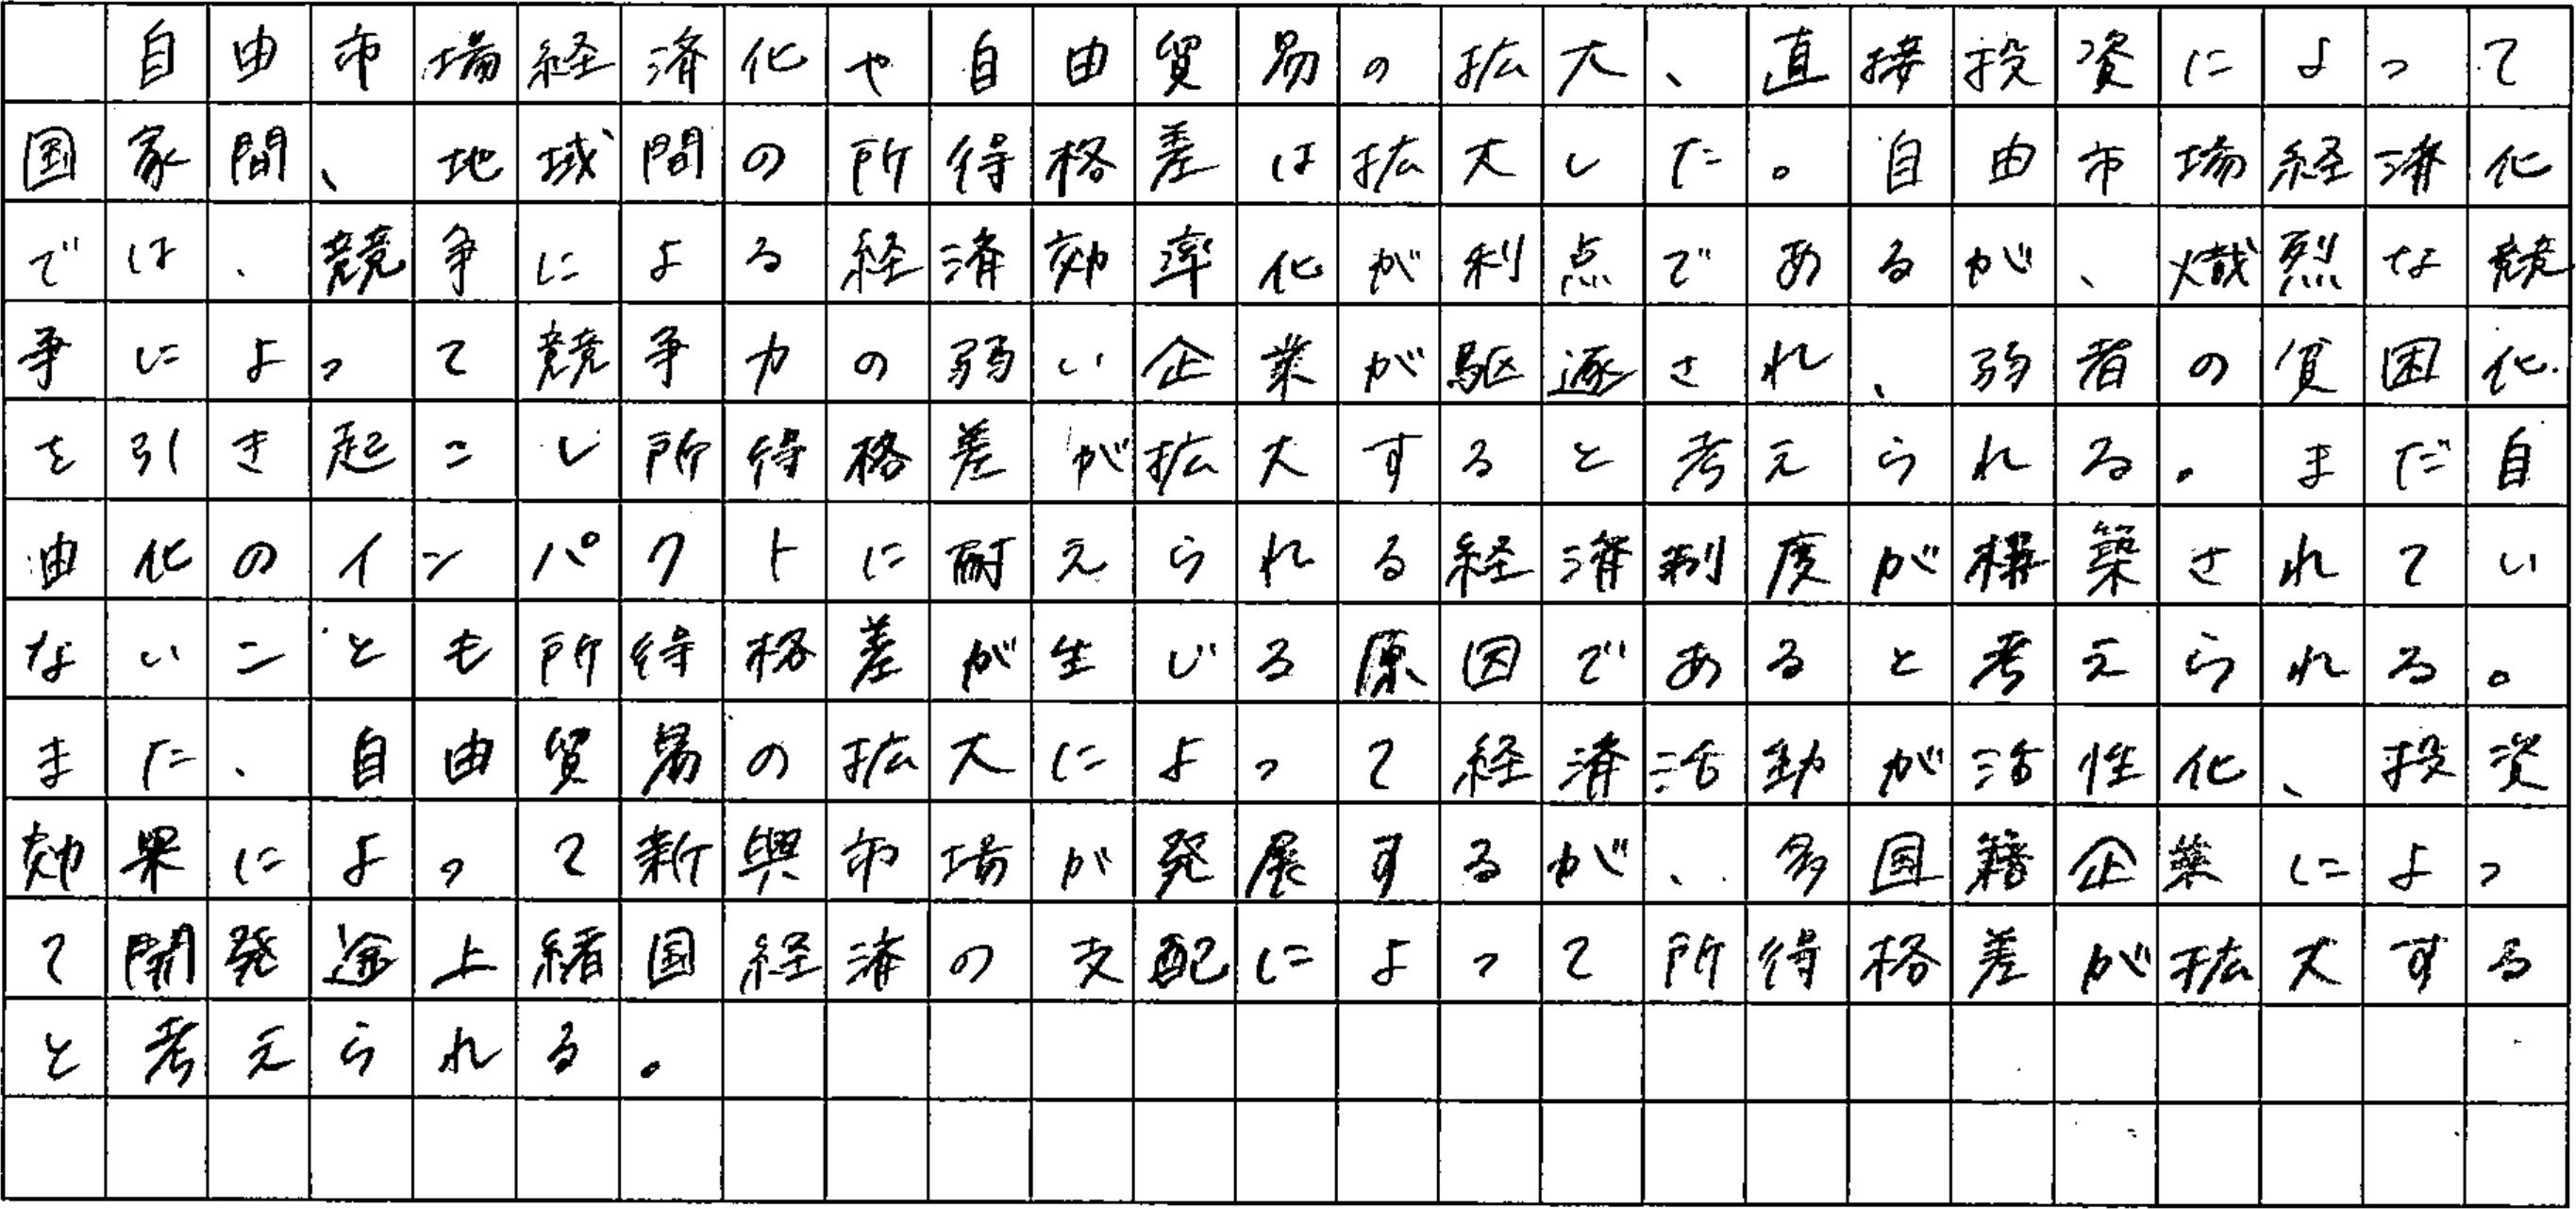　自由市場経済化や自由貿易の拡大、直接投資によって国家間、地域間の所得格差は拡大した。自由市場経済化では、競争による経済効率化が利点であるが、熾烈な競争によって競争力の弱い企業が駆逐され、弱者の貧困化を引き起こし所得格差が拡大すると考えられる。まだ自由化のインパクトに耐えられる経済制度が構築されていないことも所得格差が生じる原因であると考えられる。また、自由貿易の拡大によって経済活動が活性化、投資効果によって新興市場が発展するが、多国籍企業によって開発途上緒国経済の支配によって所得格差が拡大すると考えられる。
